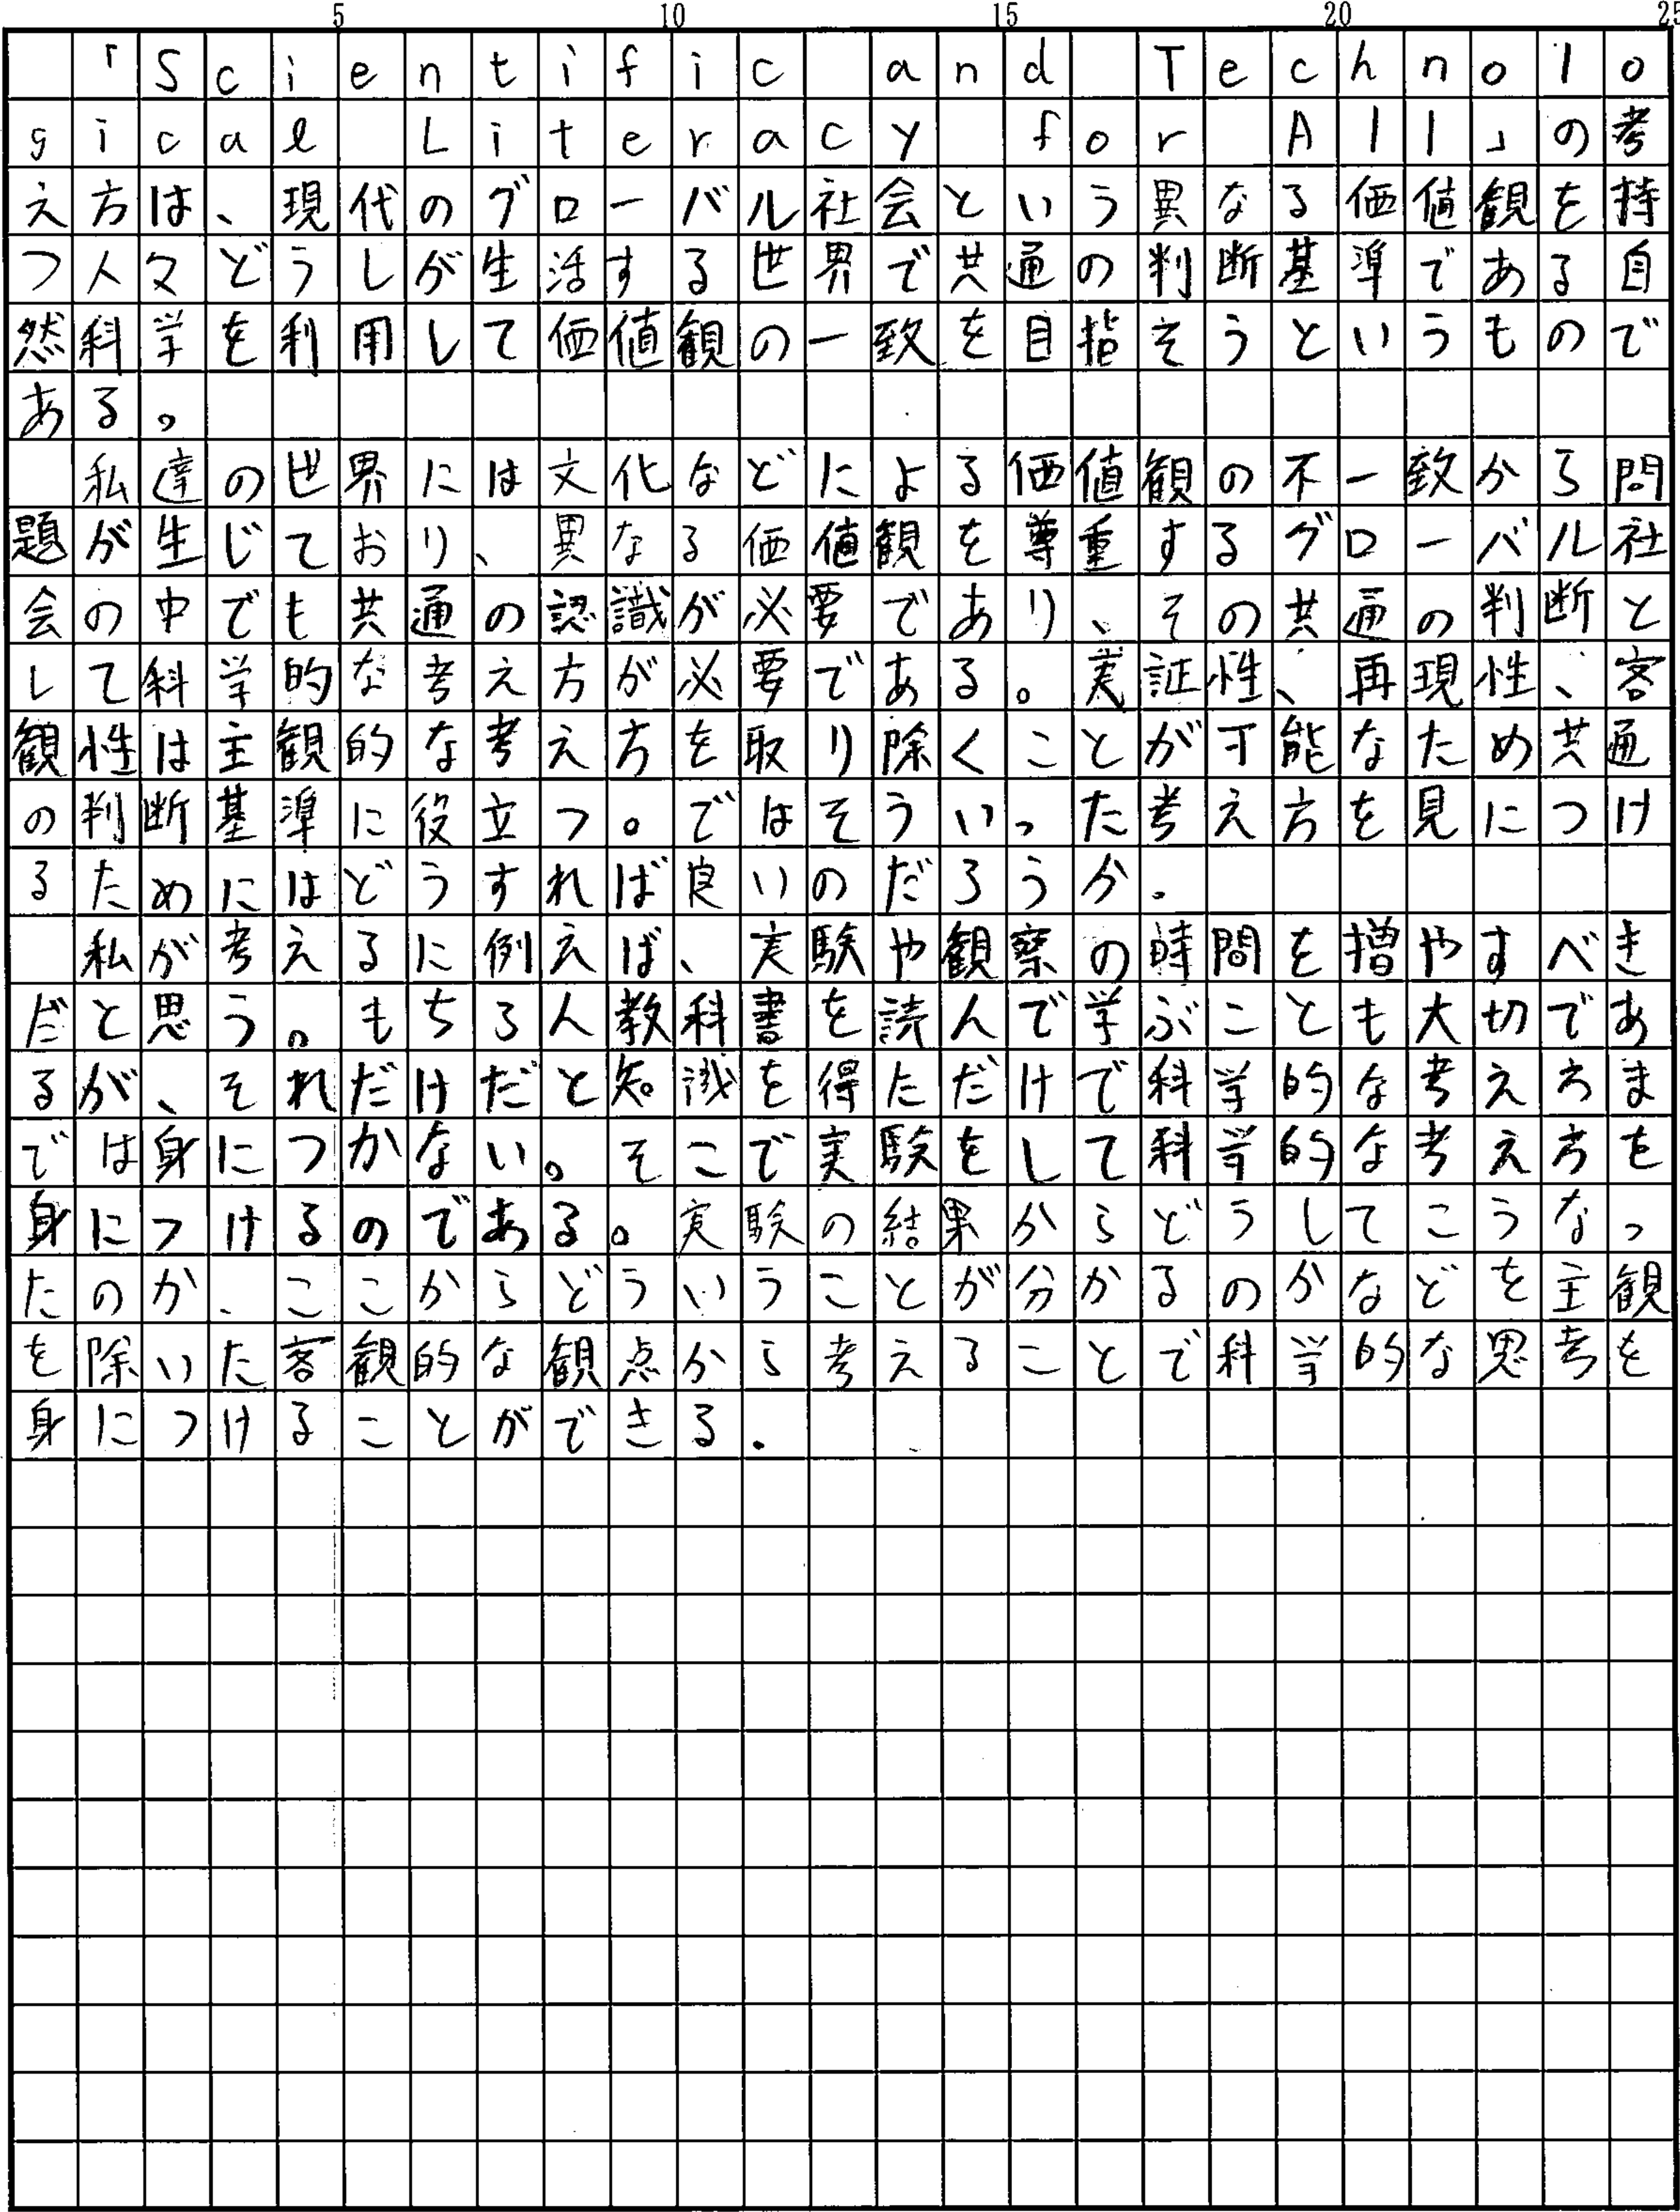　「Ｓｃｉｅｎｔｉｆｉｃ　ａｎｄ　Ｔｅｃｈｎｏｌｏｇｉｃａｌ　Ｌｉｔｅｒａｃｙ　ｆｏｒ　Ａｌｌ」の考え方は、現代のグローバル社会という異なる価値観を持つ人々どうしが生活する世界で共通の判断基準である自然科▁を利用して価値観の一致を目指そうというものである。
　私達の世界には文化などによる価値観の不一致から問題が生じており、異なる価値観を尊重するグローバル社会の中でも共通の認識が必要であり、その共通の判断として科学的な考え方が必要である。▁証性、再現性、客観性は主観的な考え方を取り除くことが可能なため共通の判断基準に役立つ。ではそういった考え方を見につけるためにはどうすれば良いのだろうか。
　私が考えるに例えば、▁験や観察の時間を▁やすべきだと思う。もちろん教科書を読んで▁ぶことも大切であるが、それだけだと知識を得ただけで科▁的な考え方までは身につかない。そこで実験をして科学的な考え方を身につけるのである。実験の結果からどうしてこうなったのか、ここからどういうことがわかるのかなどを主観を除いた客観的な観点から考えることで科▁的な思考を身につけることができる。
